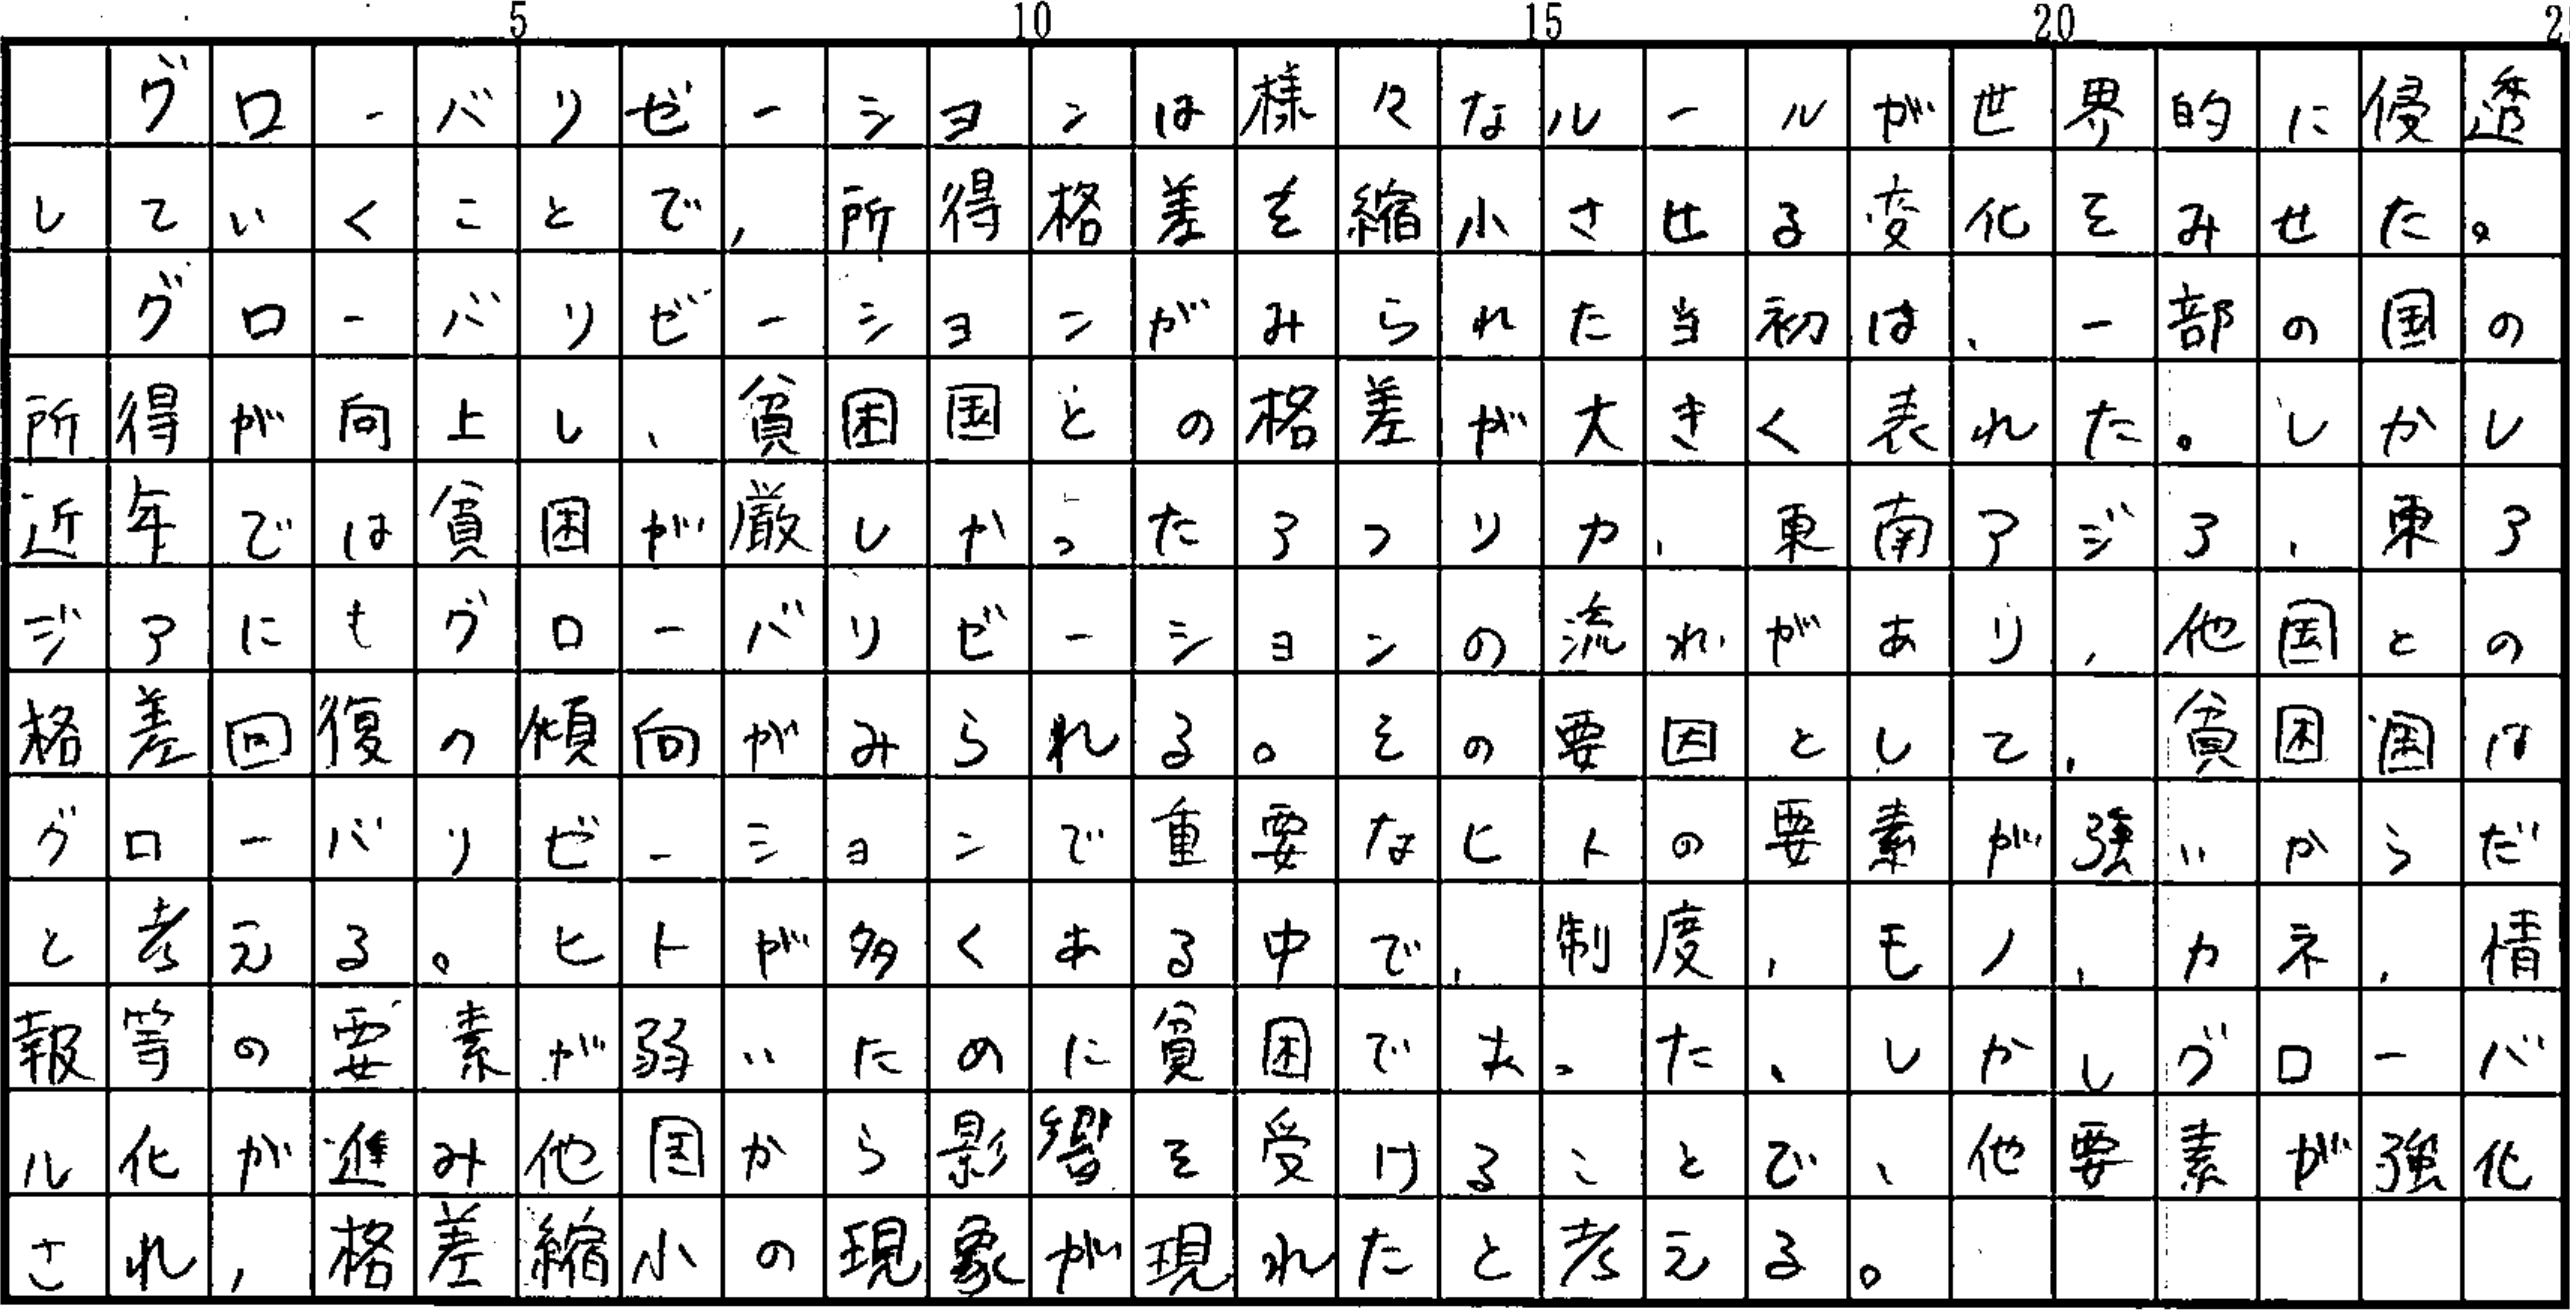　グローバリゼーションは様々なルールが世界的に侵透していくことで、所得格差を縮小させる変化をみせた。
　グローバリゼーションがみられた当初は、一部の国の所得が向上し、貧困国との格差が大きく表れた。しかし近年では貧困が厳しかったアフリカ、東南アジア、東アジアにもグローバリゼーションの流れがあり、他国との格差回復の傾向がみられる。その要因として、貧困国はグローバリゼーションで重要なヒトの要素が強いからだと考える。ヒトが多くある中で、制度、モノ、カネ、情報等の要素が弱いために貧困であった。しかしグローバル化が進み他国から影響を受けることで、他要素が強化され、格差縮小の現象が現れたと考える。
